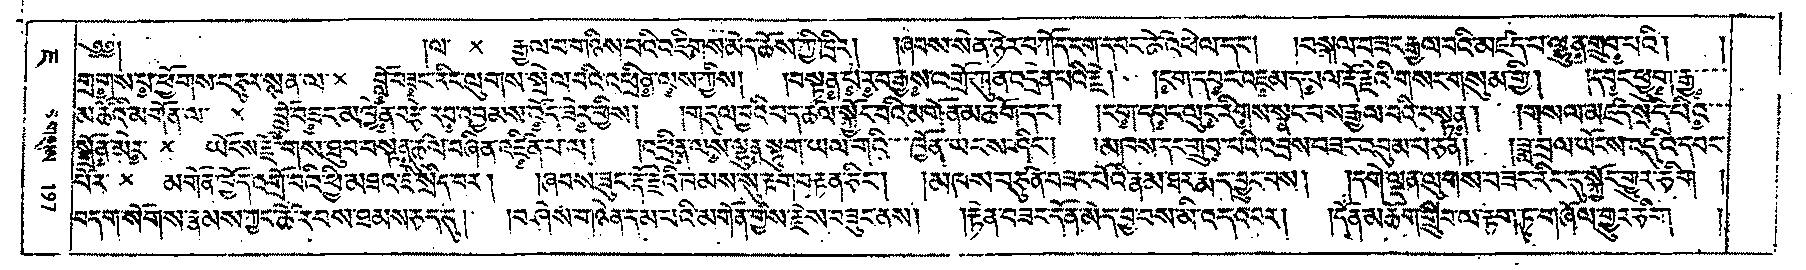༄༅། །ལ་྾་རྒྱལ་བ་གཉིས་པའི་འཇིགས་མེད་ཆོས་ཀྱི་ཁྲིར། །ཞབས་སེན་ཉེར་བཀོད་ངག་དབང་ཚེ་འཕེལ་དང་། །བསྐལ་བཟང་རྒྱལ་བའི་མཛད་པ་ལྷུན྾་གྲུབ྾་པའི། །
གྲགས྾་པ྾་ཕྱོགས་བཅུར་སྙན་ལ་྾་བློ྾་བཟང྾་རིང་ལུགས་སྤེལ་བའི་འཕྲིན྾་ལས྾་ཀྱིས། །བསྟན྾་པ྾་རབ྾་རྒྱས྾་འགྲོ་ཀུན་འདྲེན་པའི་རྗེ། །ངག྾་དབང྾་འཇམ་དཔལ྾་རྡོ་རྗེའི་གསང་གསུམ་གྱི། །དབང྾་ཕྱུག྾་རྒྱ྾་
མཚོའི་མགོན་ལ་྾་བློ྾་བཟང྾་མཁྱེན྾་བརྩེ་རབ྾་འབྱམས་འོད྾་ཟེར྾་གྱིས། །གདུལ་བྱའི་པད་ཚལ་སྐྱོང་བའི་མགོན་མཆོག་དང་། །ངག྾་དབང྾་ལུང྾་རིགས྾་སྣང་བས་རྒྱལ་བའི་བསྟན྾། །གསལ་མཛད་སྲིད་པའི྾་
སྒྲོན྾་མེར྾་྾་ཡོངས་རྫོགས་ཐུབ་བསྟན྾་ཚུལ་བཞིན་འཛིན྾་པ་ལ། །འཕྲིན྾་ལས྾་ལྷུན྾་སྟུག་ཡལ་གའི་ཁྱོན་ཡངས་ཤིང་། །མཁས་དང་གྲུབ྾་པའི་འབྲས་བཟང་འབུམ་པ་ཅན། །ཟླ་བྲལ་ཡོངས་འདུའི་དབང་
པོར་྾་མགོན་ཁྱོད་འགྲོ་བའི་ཕྱི་མཐའ་ཇི་སྲིད་བར། །ཞབས་ཟུང་རྡོ་རྗེའི་ཁམས་སུ་རྟག་བརྟན་ཅིང་། །མཁས་བཙུན་བཟང་པོའི་རྣམ་ཐར་རྨད་བྱུང་བས། །དགེ་ལྡན་ལུགས་བཟང་རིང་དུ་སྐྱོང་གྱུར་ཅིག །
བདག་སོགས་རྣམས་ཀྱང་ཚེ་རབས་ཐམས་ཅད་དུ། །བཤེས་གཉེན་དམ་པའི་མགོན་གྱིས་རྗེས་བཟུང་ནས། །རྟེན་བཟང་དོན་མེད་བྱ་བས་མི་འདའ་བར། །དོན་མཆོག་སྒྲུབ་ལ་རྟག་ཏུ་གཞོལ་གྱུར་ཅིག །